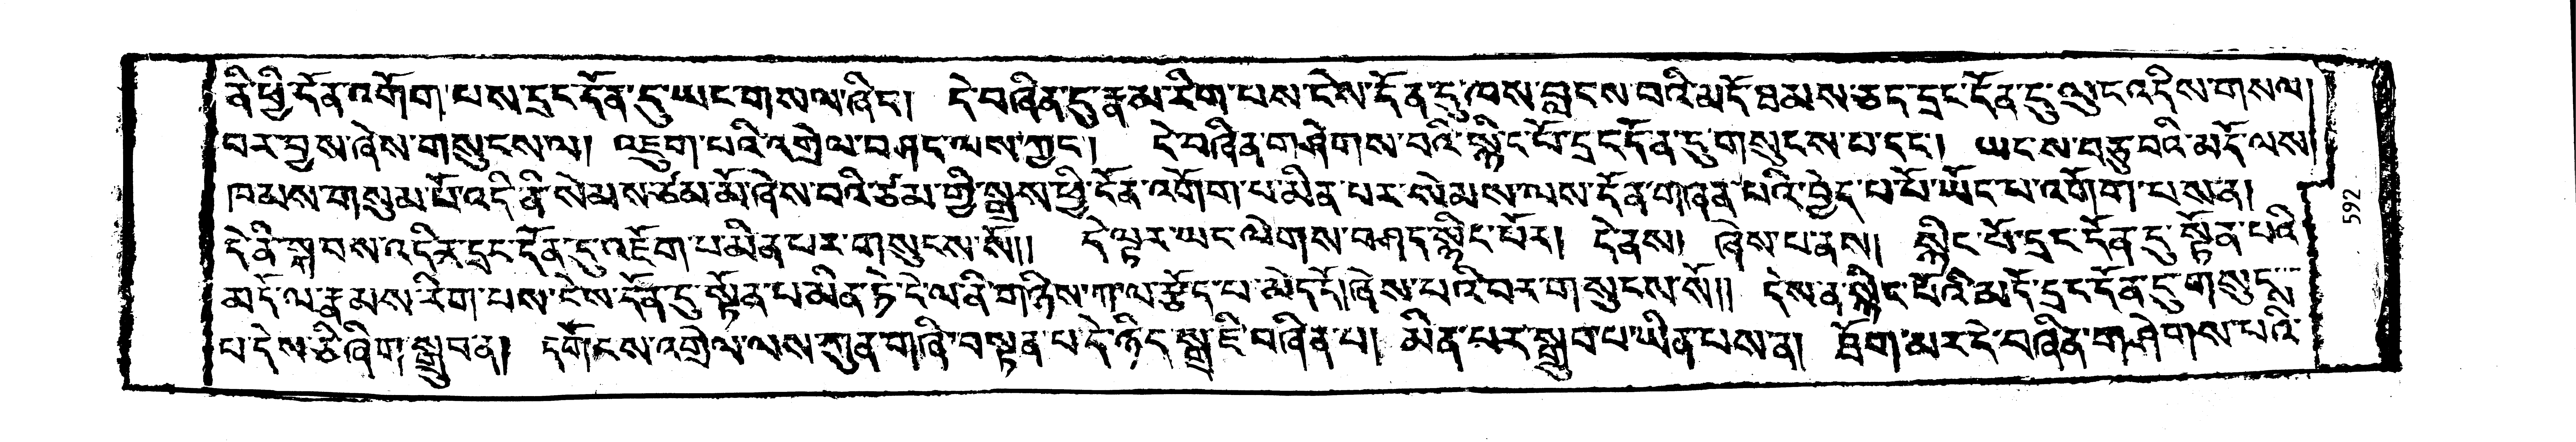ནི་ཕྱི་དོན་འགོག་པས་དྲང་དོན་དུ་ཡང་གསལ་ཞིང་། དེ་བཞིན་དུ་རྣམ་རིག་པས་ངེས་དོན་དུ་ཁས་བླངས་པའི་མདོ་ཐམས་ཅད་དྲང་དོན་དུ་ལུང་འདིས་གསལ་
བར་བྱས་ཞེས་གསུངས་ལ། འཇུག་པའི་འགྲེལ་བཤད་ལས་ཀྱང་། དེ་བཞིན་གཤེགས་པའི་སྙིང་པོ་དྲང་དོན་དུ་གསུངས་པ་དང་། ཡང་ས་བཅུ་པའི་མདོ་ལས་
ཁམས་གསུམ་པོ་འདི་ནི་སེམས་ཙམ་མོ་ཞེས་པའི་ཙམ་གྱི་སྒྲས་ཕྱི་དོན་འགོག་པ་མིན་པར་སེམས་ལས་དོན་གཞན་པའི་བྱེད་པ་པོ་ཡོད་པ་འགོག་པས་ན།
དེ་ནི་སྐབས་འདིར་དྲང་དོན་དུ་འཇོག་པ་མིན་པར་གསུངས་སོ། །དེ་ལྟར་ཡང་ལེགས་བཤད་སྙིང་པོར། དེ་ནས། ཞེས་པ་ནས། སྙིང་པོ་དྲང་དོན་དུ་སྟོན་པའི་
མདོ་ལ་རྣམས་རིག་པས་ངེས་དོན་དུ་སྟོན་པ་མིན་ཏེ་དེ་ལ་ནི་གཉིས་ཀ་ལ་རྩོད་པ་མེད་དོ། ཞེས་པའི་བར་གསུངས་སོ། །དེས་ན་སྙིང་པོའི་མདོ་དྲང་དོན་དུ་གསུངས་
པ་དེས་ཅི་ཞིག་སྒྲུབ་ན། དགོངས་འགྲེལ་ལས་ཀུན་གཞི་བསྟན་པ་དེ་ཉིད་སྒྲ་ཇི་བཞིན་པ། མིན་པར་སྒྲུབ་པ་ཡིན་པས་ན། ཐོག་མར་དེ་བཞིན་གཤེགས་པའི་